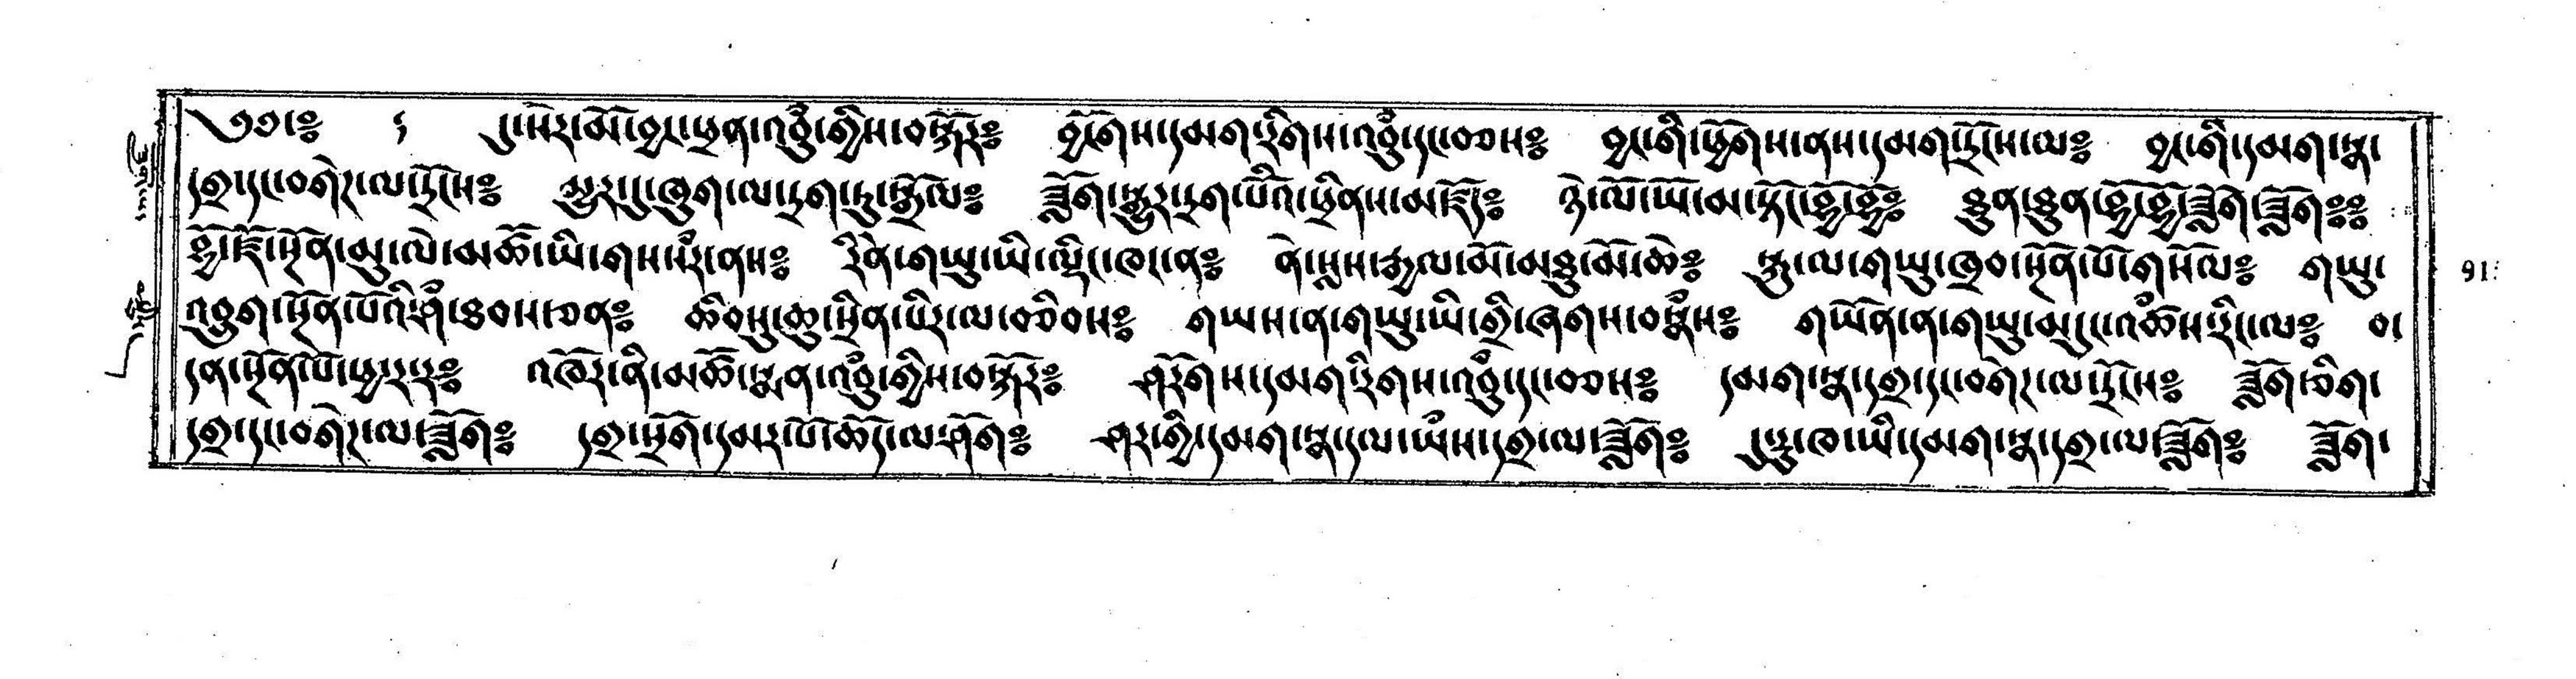དུ་སེར་མོ་བྱང་ཕྲན་འབུམ་གྱིས་བསྐོར༔ བྱང་ཕྱོགས་དམག་རིགས་འབུམ་དང་བཅས༔ བྱང་གི་ཕྱོགས་ནས་དམག་དྲོངས་ལ༔ བྱང་གི་དམག་སྣ་
དགྲ་དང་བགེགས་ལ་དྲོངས༔ མྱུར་དུ་ཁུག་ལ་དྲག་ཏུ་སྒྲོལ༔ ཟློག་སྒྱུར་དྲག་པོའི་ཕྲིན་ལས་མཛོད༔ ཉེ་ལོ་ཡོ་མ་སྟོང་བྷྱོ་བྷྱོ༔ ཐུན་ཐུན་བྷྱོ་བྷྱོ་ཟློག་ཟློག༔༔ 
བྷྱོ་ཛོ་སྔོན་མུ་ལེ་མཚོ་ཡི་གསས་མཁར་ནས༔ རིན་ཆེན་གཡུ་ཡི་ལྡིང་ཁང་ན༔ ནེ་སླས་རྒྱལ་མོ་མཐུ་མོ་ཆེ༔ སྐུ་ལ་གཡུ་ཁྲབ་སྔོན་པོ་གསོལ༔ གཡུ་
འབྲུག་སྔོན་པོའི་ཤམ་ཐབས་ཅན༔ ཆིབས་སུ་ཆུ་སྲིན་པིར་ལ་བཅིབས༔ གཡས་ན་གཡུ་ཡི་གྲི་ཞགས་བསྣམས༔ གཡོན་ན་གཡུ་མདུང་འཚམས་རིང་ལ༔ བ་
དན་སྔོན་པོ་ཕྱ་ར་ར༔ འཁོར་ནི་མཚོ་སྨན་འབུམ་གྱིས་བསྐོར༔ ཤར་ཕྱོགས་དམག་རིགས་འབུམ་དང་བཅས༔ དམག་སྣ་དགྲ་དང་བགེགས་ལ་དྲོངས༔ ཟློག་ཅིག་
དགྲ་དང་བགེགས་ལ་ཟློག༔ དགྲ་སྲོག་དམར་པོ་ཆོད་ལ་ཤོག༔ ཤར་གྱི་དམག་སྣ་དལ་ཡམས་དགྲ་ལ་ཟློག༔ ད་རུ་ཁ་ཡི་དམག་སྣ་དགྲ་ལ་ཟློག༔ ཟློག་